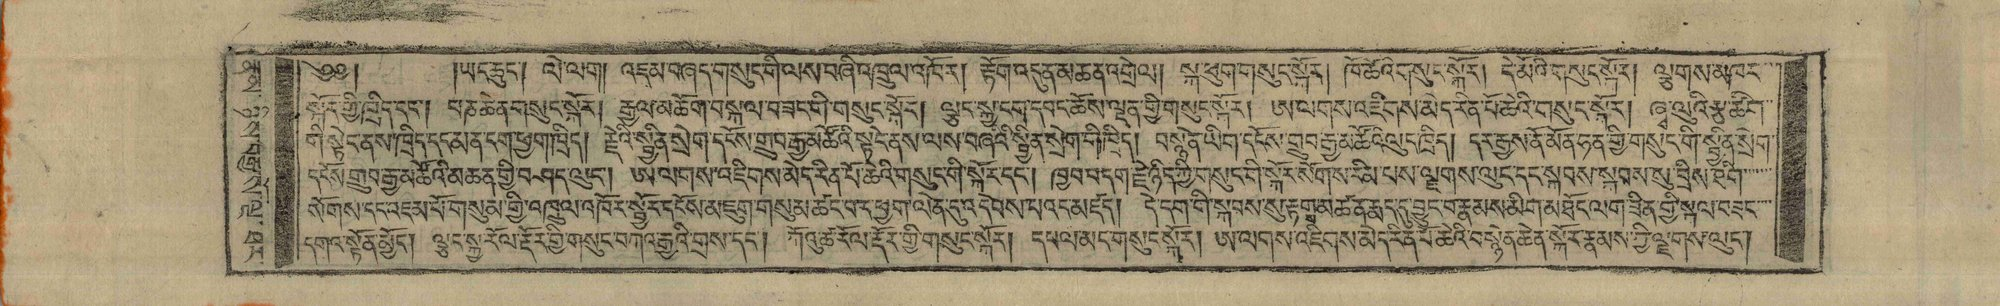༄༅། །ཡང་ཆུང་། ལེ་ལག །འཇམ་བཞད་གསུང་གི་ལས་བཞི་འཁྲུལ་འཁོར། རྟོག་འདུན་མཆན་འགྲེལ། སྐ་ཕུག་གསུང་སྐོར། ཁོ་ཆོའི་གསུང་སྐོར། དེ་མོའི་གསུང་སྐོར། ལྕགས་མཁར་
སྐོར་གྱི་ཁྲིད་དང་། པཎ་ཆེན་གསུང་སྐོར། རྒྱལ་མཆོག་བསྐལ་བཟང་གི་གསུང་སྐོར། ལྕང་སྐྱ་ངག་དབང་ཆོས་ལྡན་གྱི་གསུང་སྐོར། ཨ་ལགས་འཇིགས་མེད་རིན་པོ་ཆེའི་གསུང་སྐོར། ཞྭ་ལུའི་རྩ་ཚིག་
གི་སྟེང་ནས་ཁྲིད་དང་མན་ངག་ཕྱག་ཁྲིད། རྗེའི་སྦྱིན་སྲེག་དངོས་གྲུབ་རྒྱ་མཚོའི་སྟེང་ནས་ལས་བཞིའི་སྦྱིན་སྲེག་གི་ཁྲིད། བསྙེན་ཡིག་དངོས་གྲུབ་རྒྱ་མཚོའི་ལུང་ཁྲིད། དར་རྒྱས་ནོ་མོན་ཧན་གྱི་གསུང་གི་སྦྱིན་སྲེག་
དངོས་གྲུབ་རྒྱ་མཚོའི་མཆན་གྱི་བཤད་ལུང་། ཨ་ལགས་འཇིགས་མེད་རིན་པོ་ཆེའི་གསུང་གི་སྐོར་དང་། ཁྱབ་བདག་རྗེ་ཉིད་ཀྱི་གསུང་གི་སྐོར་སོགས་རིམ་པས་ལྗགས་ལུང་དང་སྐབས་སྐབས་སུ་བྲིས་ཐིག་
སོགས་དང་འཇམ་པོ་གསུམ་གྱི་འཁྲུལ་འཁོར་སྦྱོར་དངོས་མཇུག་གསུམ་ཚང་བར་ཕྱག་ལེན་དུ་འདེབས་པའང་མཛད། དེ་དག་གི་སྐབས་སུ་རྟགས་མཚན་རྨད་དུ་བྱུང་བ་རྣམས་མིག་མཐོང་ལག་ཟིན་གྱི་སྐལ་བཟང་
དགའ་སྟོན་མྱོང་། ལྕང་སྐྱ་རོལ་རྡོར་གྱི་གསུང་བཀའ་རྒྱའི་གྲས་དང་། ཀོའུ་ཚ་རོལ་རྡོར་གྱི་གསུང་སྐོར། དཔལ་མང་གསུང་སྐོར། ཨ་ལགས་འཇིགས་མེད་རིན་པོ་ཆེའི་བསྙེན་ཆེན་སྐོར་རྣམས་ཀྱི་ལྗགས་ལུང་།